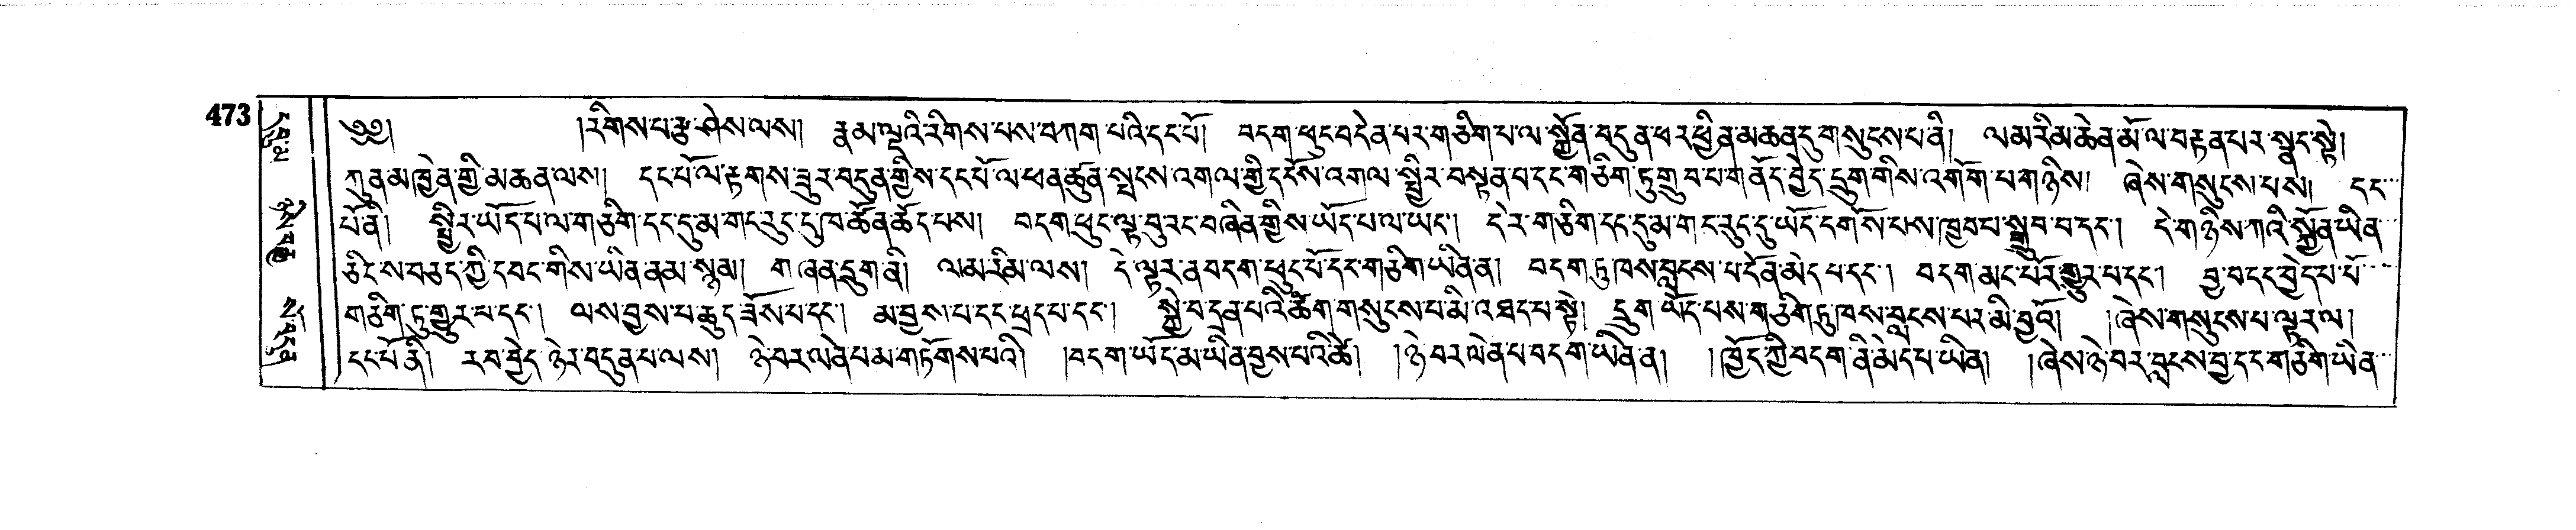༄༅། །རིགས་པ་རྩ་ཤེས་ལས། རྣམ་ལྔའི་རིགས་པས་བཀག་པའི་དང་པོ། བདག་ཕུང་བདེན་པར་གཅིག་པ་ལ་སྐྱོན་བདུན་ཕར་ཕྱིན་མཆན་དུ་གསུངས་པ་ནི། ལམ་རིམ་ཆེན་མོ་ལ་བརྟན་པར་སྣང་སྟེ།
ཀུན་མཁྱེན་གྱི་མཆན་ལས། དང་པོ་ལ་རྟགས་ཟུར་བདུན་གྱིས་དང་པོ་ལ་ཕན་ཚུན་སྤངས་འགལ་གྱི་དངོས་འགལ་སྤྱིར་བསྟན་པ་དང་གཅིག་ཏུ་གྲུབ་པ་གནོད་བྱེད་དྲུག་གིས་འགོག་པ་གཉིས། ཞེས་གསུངས་པས། དང་
པོ་ནི། སྤྱིར་ཡོད་པ་ལ་གཅིག་དང་དུ་མ་གང་རུང་དུ་ཁ་ཚོན་ཆོད་པས། བདག་ཕུང་ལྟ་བུ་རང་བཞིན་གྱིས་ཡོད་པ་ལ་ཡང་། དེར་གཅིག་དང་དུ་མ་གང་རུང་དུ་ཡོད་དགོས་པས་ཁྱབ་པ་སྒྲུབ་པ་དང་། དེ་གཉིས་ཀའི་སྐྱོན་ཡིན་
ཅིང་ས་བཅད་ཀྱི་དབང་གིས་ཡིན་ནམ་སྙམ། གཞན་དྲུག་ནི། ལམ་རིམ་ལས། དེ་ལྟར་ན་བདག་ཕུང་པོ་དང་གཅིག་ཡིན་ན། བདག་ཏུ་ཁས་བླངས་པ་དོན་མེད་པ་དང་། བདག་མང་པོར་གྱུར་པ་དང་། བྱ་བ་དང་བྱེད་པ་པོ་
གཅིག་ཏུ་གྱུར་པ་དང་། ལས་བྱས་པ་ཆུད་ཟོས་པ་དང་། མ་བྱས་པ་དང་ཕྲད་པ་དང་། སྐྱེ་བ་དྲན་པའི་ཚིག་གསུངས་པ་མི་འཐད་པ་སྟེ། དྲུག་ཡོད་པས་གཅིག་ཏུ་ཁས་བླངས་པར་མི་བྱའོ། །ཞེས་གསུངས་པ་ལྟར་ལ།
དང་པོ་ནི། རབ་བྱེད་ཉེར་བདུན་པ་ལས། ཉེ་བར་ལེན་པ་མ་གཏོགས་པའི། །བདག་ཡོད་མ་ཡིན་བྱས་པའི་ཚེ། །ཉེ་བར་ལེན་པ་བདག་ཡིན་ན། །ཁྱོད་ཀྱི་བདག་ནི་མེད་པ་ཡིན། །ཞེས་ཉེ་བར་བླངས་བྱ་དང་གཅིག་ཡིན་